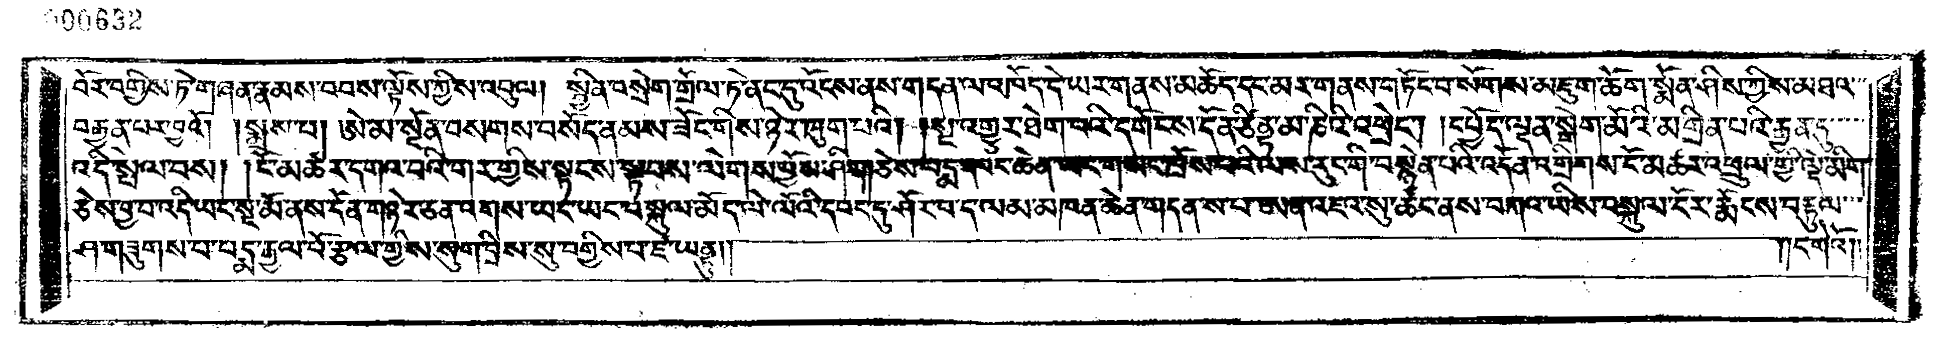བོར་བགྱིས་ཏེ་གཞན་རྣམས་བབས་ལྟོས་ཀྱིས་འབུལ། སྦྱིན་བསྲེག་གྲོལ་ཏེ་ནང་དུ་འོངས་ནས་གདན་ལ་འཁོད་དེ་ཡར་གནས་མཆོད་དང་མར་གནས་གཏོང་བ་སོགས་མཇུག་ཆོག་སྨོན་ཤིས་ཀྱིས་མཐའ་
བརྒྱན་པར་བྱའོ། །སྨྲས་པ། ཨེ་མ་སྔོན་བསགས་བསོད་ནམས་ཟོང་གིས་ཉེར་ཁུག་པའི། །སྔ་འགྱུར་ཐེག་པའི་དགོངས་དོན་ཙིནྟ་མ་ཎིའི་འཕྲེང་། །དཔྱོད་ལྡན་སྒེག་མོའི་མགྲིན་པའི་རྒྱན་དུ་
འདི་སྤེལ་བས། །ངོ་མཚར་དགའ་བའི་གར་གྱིས་སྟངས་སྟབས་ལེགས་བྱོས་ཤིག །ཅེས་པདམ་དབང་ཆེན་ཡང་གསང་ཁྲོས་པའི་ལས་རུང་གི་བསྙེན་པའི་འདོན་འགྲིགས་ངོ་མཚར་འཕྲུལ་གྱི་ལྡེ་མིག་
ཅེས་བྱ་བ་འདི་ཡང་སྔ་མོ་ནས་དོན་གཉེར་ཅན་འགས་ཡང་ཡང་བསྐུལ་མོད་ལེ་ལོའི་དབང་དུ་ཤོར་བ་ད་ལམ་མཁན་ཆེན་གདན་ས་པ་ཨན་འཇའ་སུ་ཚང་ནས་བཀའ་ཡིས་བསྐུལ་ངོར་རྨོངས་བརྟུལ་
ཤ་གཟུགས་པ་པདམ་རྒྱལ་པོ་རྩལ་གྱིས་སུག་བྲིས་སུ་བགྱིས་པ་ཛ་ཡནྟུ།། །།དགེའོ།།